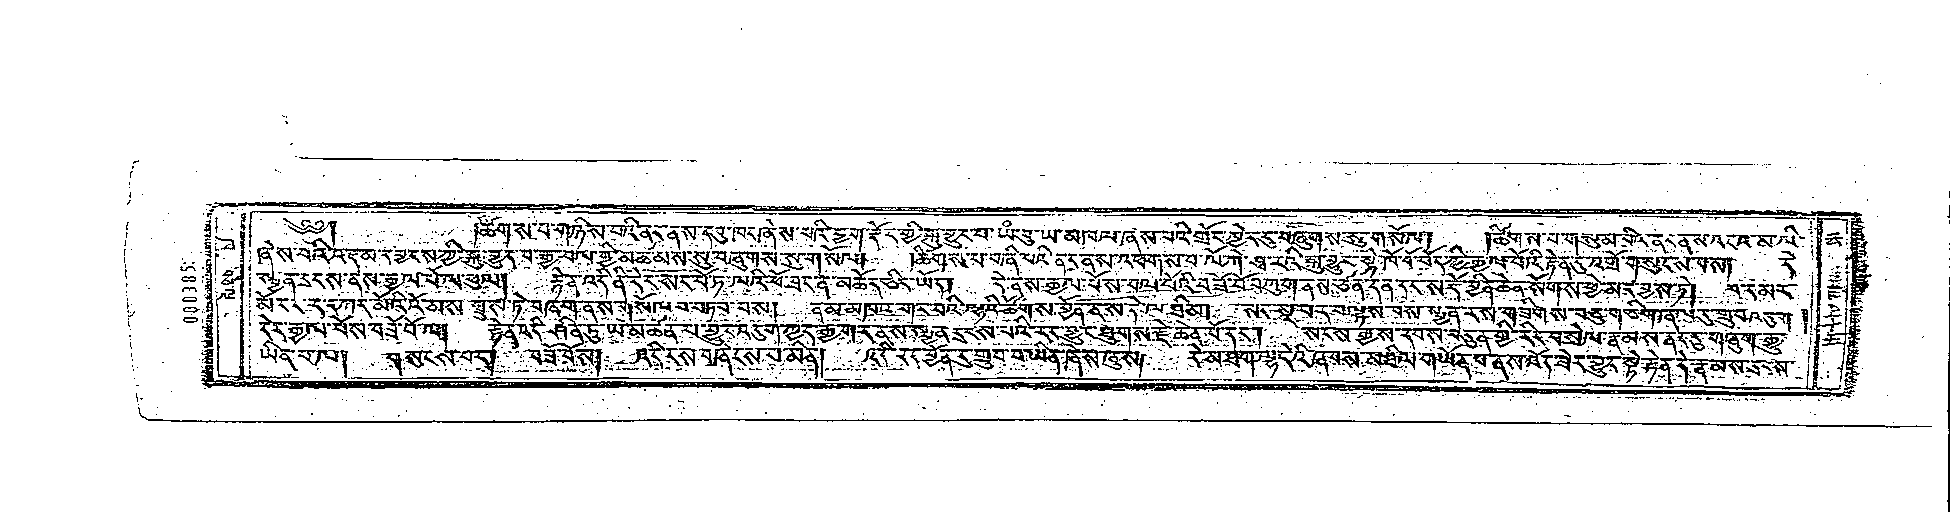༄༅། །ཚིགས་པ་གཉིས་པའི་ནང་ནས་དབུ་ཁང་ཞེས་པའི་ཕྱག་རྡོར་གྱི་སྐུ་བྱུང་བ་ཡཾ་བུ་ཡ་མཁལ་ཞེས་པའི་གྲོང་ཁྱེར་དུ་བཞུགས་སུ་གསོལ། །ཚིགས་པ་གསུམ་པའི་ནང་ནས་འཇའ་མ་ལི་
ཞེས་བའི་འཇམ་དབྱངས་ཀྱི་སྐུ་བྱུང་བ་རྒྱ་བལ་གྱི་མཚམས་སུ་བཞུགས་སུ་གསོལ། །ཚིགས་པ་བཞི་པའི་ནང་ནས་འཕགས་པ་ལོ་ཀེ་ཤྭ་རའི་སྐུ་བྱུང་སྟེ་ཁོ་བོ་བོད་ཀྱི་རྒྱལ་པོའི་རྟེན་དུ་འགྲོ་གསུངས་པས། དེ་
སྤྱན་དྲངས་ནས་རྒྱལ་པོ་ལ་ཕུལ། རྟེན་འདི་ནི་དེང་སང་པོ་ཏ་ལའི་ཕོ་བྲང་ན་མཆོད་ཅིང་ཡོད། དེ་ནས་རྒྱལ་པོས་བལ་པོའི་བཟོ་བོ་བཀུག་ནས་ཙན་དན་དང་ས་རྡོ་བྱིན་ཆེན་སོགས་ཕྱེ་མར་བྱས་ཏེ། བ་དམར་
མོ་དང་ར་དཀར་མོའི་འོ་མས་སྦྲུས་ཏེ་བཞག་ནས་གསོལ་བ་བཏབ་པས། ནམ་མཁའ་གང་བའི་ལྷའི་ཚོགས་བྱོན་ནས་དེ་ལ་ཐིམ། སང་སྔ་བར་བལྟས་པས་སྤྱན་རས་གཟིགས་བཅུ་གཅིག་ཞལ་དུ་གྲུབ་འདུག །
དེར་རྒྱལ་པོས་བཟོ་བོ་ལ། རྟེན་འདི་ཤིན་ཏུ་ཡ་མཚན་པ་བྱུང་འདུག་ཀྱང་རྒྱ་གར་ནས་སྤྱན་དྲངས་པའི་རང་བྱུང་ཐུགས་རྗེ་ཆེན་པོ་དང་། སངས་རྒྱས་རབས་བདུན་གྱི་རིང་བསྲེལ་རྣམས་ནང་དུ་གཞུག་རྒྱུ་
ཡིན་པ་ལ། གསུངས་པར། བཟོ་བོས། འདིངས་བཞེངས་པ་མིན། འདི་རང་བྱོན་དུ་གྲུབ་བ་ཡིན་ཞེས་ཞུས། དེ་མ་ཐག་ལྷ་དེའི་ཞབས་མཐིལ་གཡོན་པ་ནས་འོད་ཟེར་བྱུང་སྟེ་རྟེན་དེ་རྣམས་དྲངས་